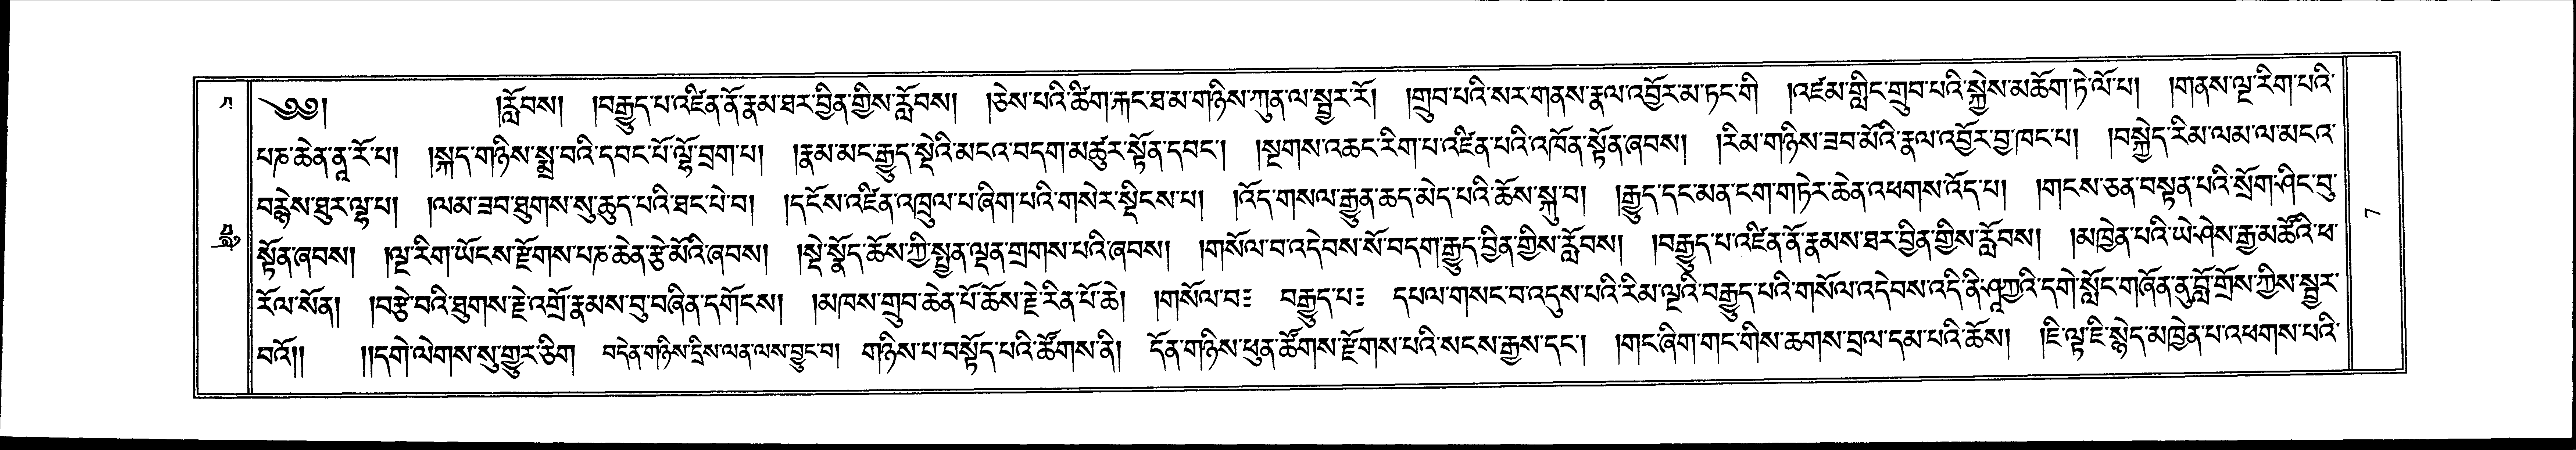༄༅། །རློབས། །བརྒྱུད་པ་འཛིན་ནོ་རྣམ་ཐར་བྱིན་གྱིས་རློབས། །ཅེས་པའི་ཚིག་རྐང་ཐ་མ་གཉིས་ཀུན་ལ་སྦྱར་རོ། །གྲུབ་པའི་སར་གནས་རྣལ་འབྱོར་མ་ཏང་གི །འཛམ་གླིང་གྲུབ་པའི་སྐྱེས་མཆོག་ཏེ་ལོ་པ། །གནས་ལྔ་རིག་པའི་
པཎ་ཆེན་ནཱ་རོ་པ། །སྐད་གཉིས་སྨྲ་བའི་དབང་པོ་ལྷོ་བྲག་པ། །རྣམ་མང་རྒྱུད་སྡེའི་མངའ་བདག་མཚུར་སྟོན་དབང་། །སྔགས་འཆང་རིག་པ་འཛིན་པའི་འཁོན་སྟོན་ཞབས། །རིམ་གཉིས་ཟབ་མོའི་རྣལ་འབྱོར་བྱ་ཁང་པ། །བསྐྱེད་རིམ་ལམ་ལ་མངའ་
བརྙེས་ཐུར་ལྷ་པ། །ལམ་ཟབ་ཐུགས་སུ་ཆུད་པའི་ཐང་པེ་བ། །དངོས་འཛིན་འཁྲུལ་པ་ཞིག་པའི་གསེར་སྡིངས་པ། །འོད་གསལ་རྒྱུན་ཆད་མེད་པའི་ཆོས་སྐུ་བ། །རྒྱུད་དང་མན་ངག་གཏེར་ཆེན་འཕགས་འོད་པ། །གངས་ཅན་བསྟན་པའི་སྲོག་ཤིང་བུ་
སྟོན་ཞབས། །ལྔ་རིག་ཡོངས་རྫོགས་པཎ་ཆེན་རྩེ་མོའི་ཞབས། །སྡེ་སྣོད་ཆོས་ཀྱི་སྤྱན་ལྡན་གྲགས་པའི་ཞབས། །གསོལ་བ་འདེབས་སོ་བདག་རྒྱུད་བྱིན་གྱིས་རློབས། །བརྒྱུད་པ་འཛིན་ནོ་རྣམས་ཐར་བྱིན་གྱིས་རློབས། །མཁྱེན་པའི་ཡེ་ཤེས་རྒྱ་མཚོའི་ཕ་
རོལ་སོན། །བརྩེ་བའི་ཐུགས་རྗེ་འགྲོ་རྣམས་བུ་བཞིན་དགོངས། །མཁས་གྲུབ་ཆེན་པོ་ཆོས་རྗེ་རིན་པོ་ཆེ། །གསོལ་བ་བརྒྱུད་པ་དཔལ་གསང་བ་འདུས་པའི་རིམ་ལྔའི་བརྒྱུད་པའི་གསོལ་འདེབས་འདི་ནི་ཤཱཀྱའི་དགེ་སློང་གཞོན་ནུ་བློ་གྲོས་ཀྱིས་སྦྱར་
བའོ།། །།དགེ་ལེགས་སུ་གྱུར་ཅིག་བདེན་གཉིས་དྲིས་ལན་ལས་བྱུང་བ། གཉིས་པ་བསྟོད་པའི་ཚོགས་ནི། དོན་གཉིས་ཕུན་ཚོགས་རྫོགས་པའི་སངས་རྒྱས་དང་། །གང་ཞིག་གང་གིས་ཆགས་བྲལ་དམ་པའི་ཆོས། །ཇི་ལྟ་ཇི་སྙེད་མཁྱེན་པ་འཕགས་པའི་